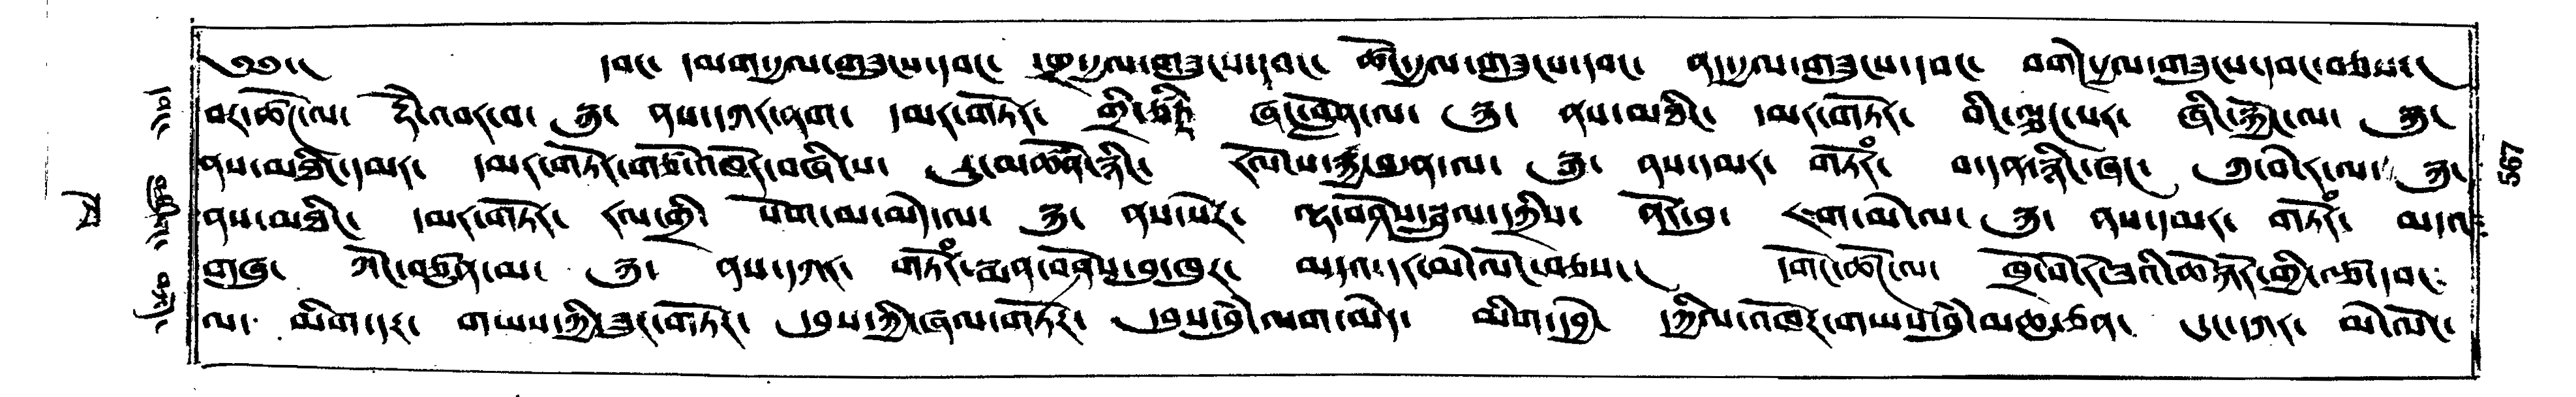དབང་། དམག་རྒྱལ་གཟུངས་དབང་། དགྲ་རྒྱལ་གཟུངས་དབང་། ཚོགས་རྒྱལ་གཟུངས་དབང་། ནད་རྒྱལ་གཟུངས་དབང་། བགེགས་རྒྱལ་གཟུངས་དབང་བཅས། 
བར་ཚོགས་ལ། རྡོ་རྗེ་འབར་བ། སྐུ། ནས་དཀར་ནག དམར་གཏོར། གྲི་ཙིཏྟ། ཞང་བློན་ལ། སྐུ། ནས་མཐིང་། དམར་གཏོར། བིང་། ལྕགས་པར། ཞིང་སྐྱོང་ལ། སྐུ། 
ནས་མཐིང་དམར། དམར་གཏོར་གཙོ་འཁོར་བཞི་པ། རུ་མཚོན་སྙིང་། རོལ་པ་སྐྱ་བདུན་ལ། སྐུ། ནས་དམར གཏོར་མ། བ་དན་སྙིང་ཞགས། ཀུ་བེ་ར་ལ། སྐུ་
ནས་མཐིང་། དམར་གཏོར། རལ་གྲི། སོག་མ་མེད་ལ། སྐུ། ནས་སེར། ལྷ་བཤོས་སྦྲུལ་དཀྲིས། ནོར་བུ།ཇག་མེ་ལ། སྐུ། ནས་དམར། གཏོར་མ། མདའ་
གཞུ། ཀོང་བཙུན་ལ། སྐུ། ནས་དཀར། གཏོར་མ་སྨན་བཤོས་བུ་ཁུར། མདའ་དར་མེ་ལོང་བཅས། དགོང་ཚོགས་ལ། ཁྲོ་བོ་རོ་ཟའི་ཆོས་སྐོར་གྱི་རྩ་དབང་
ལ། མིག་དར། གཡས་ཀྱི་ཟུང་གཏོར། དབུས་ཀྱི་ཞལ་གཏོར། དབུས་བུམ་ལག་མེད། མིག་དབྱེ། དཀྱིལ་འཁོར་གཡས་བུམ་མཆུ་ཅན། དུང་དཀར། མེ་ལོང་